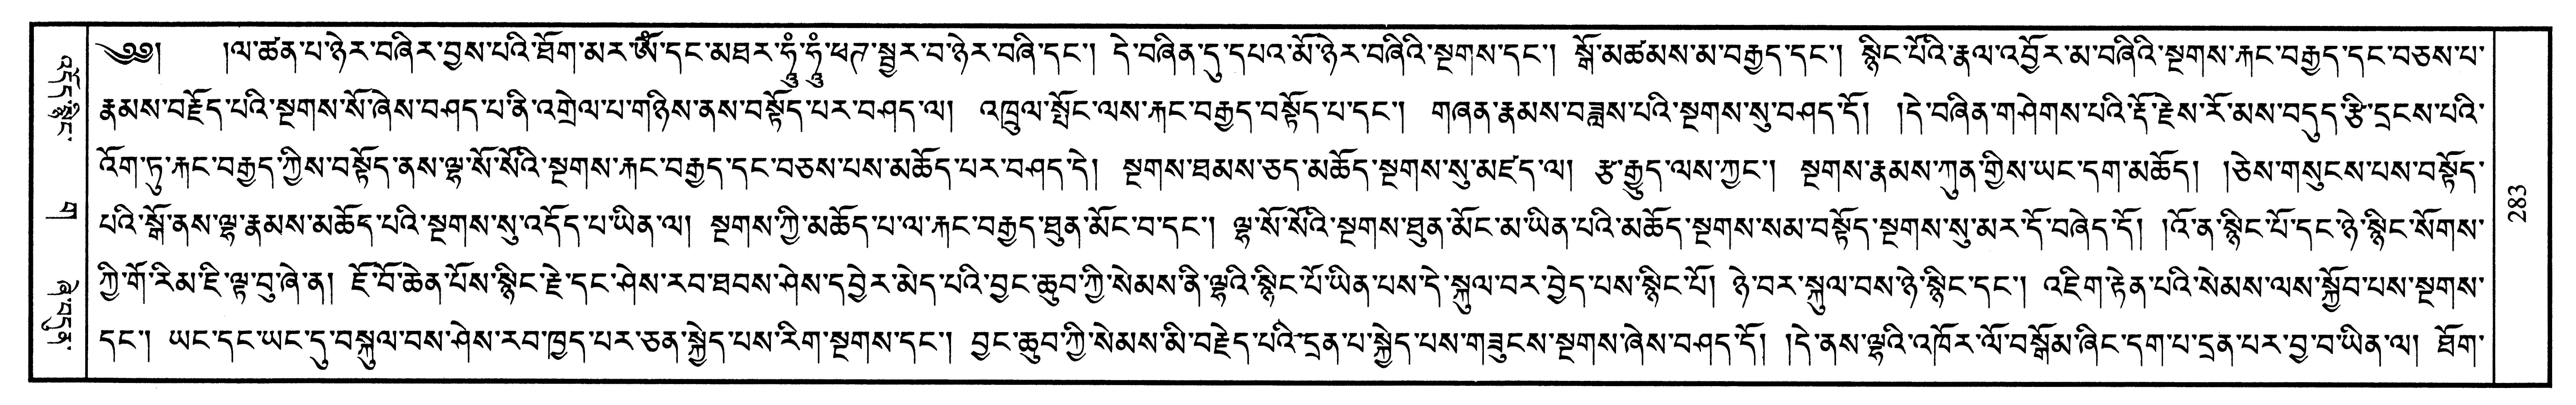༄༅། །ལ་ཚན་པ་ཉེར་བཞིར་བྱས་པའི་ཐོག་མར་ཨོཾ་དང་མཐར་ཧཱུཾ་ཧཱུཾ་ཕཊ་སྦྱར་བ་ཉེར་བཞི་དང་། དེ་བཞིན་དུ་དཔའ་མོ་ཉེར་བཞིའི་སྔགས་དང་། སྒོ་མཚམས་མ་བརྒྱད་དང་། སྙིང་པོའི་རྣལ་འབྱོར་མ་བཞིའི་སྔགས་རྐང་བརྒྱད་དང་བཅས་པ་
རྣམས་བརྗོད་པའི་སྔགས་སོ་ཞེས་བཤད་པ་ནི་འགྲེལ་པ་གཉིས་ནས་བསྟོད་པར་བཤད་ལ། འཁྲུལ་སྤོང་ལས་རྐང་བརྒྱད་བསྟོད་པ་དང་། གཞན་རྣམས་བཟླས་པའི་སྔགས་སུ་བཤད་དོ། །དེ་བཞིན་གཤེགས་པའི་རྡོ་རྗེས་རོ་མས་བདུད་རྩི་དྲངས་པའི་
འོག་ཏུ་རྐང་བརྒྱད་ཀྱིས་བསྟོད་ནས་ལྷ་སོ་སོའི་སྔགས་རྐང་བརྒྱད་དང་བཅས་པས་མཆོད་པར་བཤད་དེ། སྔགས་ཐམས་ཅད་མཆོད་སྔགས་སུ་མཛད་ལ། རྩ་རྒྱུད་ལས་ཀྱང་། སྔགས་རྣམས་ཀུན་གྱིས་ཡང་དག་མཆོད། །ཅེས་གསུངས་པས་བསྟོད་
པའི་སྒོ་ནས་ལྷ་རྣམས་མཆོད་པའི་སྔགས་སུ་འདོད་པ་ཡིན་ལ། སྔགས་ཀྱི་མཆོད་པ་ལ་རྐང་བརྒྱད་ཐུན་མོང་བ་དང་། ལྷ་སོ་སོའི་སྔགས་ཐུན་མོང་མ་ཡིན་པའི་མཆོད་སྔགས་སམ་བསྟོད་སྔགས་སུ་མར་དོ་བཞེད་དོ། །འོ་ན་སྙིང་པོ་དང་ཉེ་སྙིང་སོགས་
ཀྱི་གོ་རིམ་ཇི་ལྟ་བུ་ཞེ་ན། ཇོ་བོ་ཆེན་པོས་སྙིང་རྗེ་དང་ཤེས་རབ་ཐབས་ཤེས་དབྱེར་མེད་པའི་བྱང་ཆུབ་ཀྱི་སེམས་ནི་ལྷའི་སྙིང་པོ་ཡིན་པས་དེ་སྐུལ་བར་བྱེད་པས་སྙིང་པོ། ཉེ་བར་སྐུལ་བས་ཉེ་སྙིང་དང་། འཇིག་རྟེན་པའི་སེམས་ལས་སྐྱོབ་པས་སྔགས་
དང་། ཡང་དང་ཡང་དུ་བསྐུལ་བས་ཤེས་རབ་ཁྱད་པར་ཅན་སྐྱེད་པས་རིག་སྔགས་དང་། བྱང་ཆུབ་ཀྱི་སེམས་མི་བརྗེད་པའི་དྲན་པ་སྐྱེད་པས་གཟུངས་སྔགས་ཞེས་བཤད་དོ། །དེ་ནས་ལྷའི་འཁོར་ལོ་བསྒོམ་ཞིང་དག་པ་དྲན་པར་བྱ་བ་ཡིན་ལ། ཐོག་